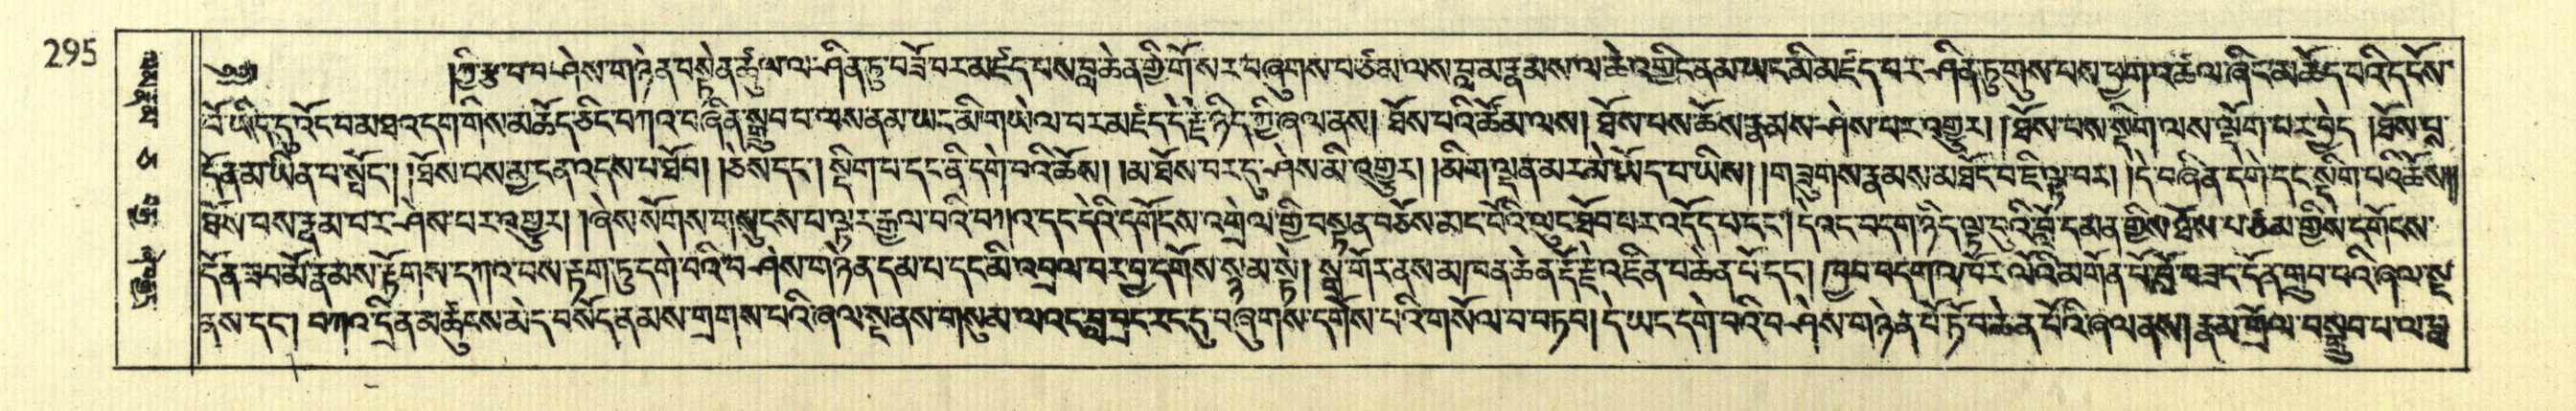༄༅། །ཀྱི་རྩ་བ་བཤེས་གཉེན་བསྟེན་ཚུལ་ལ་ཤིན་ཏུ་བཟོ་བར་མཛད་པས་བླ་ཆེན་གྱི་གོ་སར་བཞུགས་པ་ཙམ་ལས་བླ་མ་རྣམས་ལ་ཆེ་འགྱིང་ནམ་ཡང་མི་མཛད་བར་ཤིན་ཏུ་གུས་པས་ཕྱག་འཚལ་ཞིང་མཆོད་པའི་དངོས་
པོ་ཡིད་དུ་འོང་བ་མཐའ་དག་གིས་མཆོད་ཅིང་བཀའ་བཞིན་སྒྲུབ་པ་ལས་ནམ་ཡང་མི་གཡེལ་བར་མཛད་དེ་རྗེ་ཉིད་ཀྱི་ཞལ་ནས། ཐོས་པའི་ཚོམ་ལས། ཐོས་པས་ཆོས་རྣམས་ཤེས་པར་འགྱུར། །ཐོས་པས་སྡིག་ལས་ལྡོག་པར་བྱེད་།ཐོས་པས་
དོན་མ་ཡིན་པ་སྤོང་། །ཐོས་བས་མྱ་ངན་འདས་པ་ཐོབ། །ཅེས་དང་། སྡིག་པ་དང་ནི་དགེ་བའི་ཆོས། །མ་ཐོས་བར་དུ་ཤེས་མི་འགྱུར། །མིག་ལྡན་མར་མེ་ཡོད་པ་ཡིས། །གཟུགས་རྣམས་མཐོང་བ་ཇི་ལྟ་བར། །དེ་བཞིན་དགེ་དང་སྡིག་པའི་ཆོས།།
ཐོས་བས་རྣམ་བར་ཤེས་པར་འགྱུར། །ཞེས་སོགས་གསུངས་པ་ལྟར་རྒྱལ་བའི་བཀའ་དང་དེའི་དགོངས་འགྲེལ་གྱི་བསྟན་བཅོས་མང་བོའི་ལུང་ཐོབ་པར་འདོད་པ་དང་། དེའང་བདག་ཉིད་ལྟ་བུའི་བློ་དམན་གྱིས་ཐོས་པ་ཙམ་གྱིས་དགོངས་
དོན་ཟབ་མོ་རྣམས་རྟོགས་དཀའ་བས་རྟག་ཏུ་དགེ་བའི་བཤེས་གཉེན་དམ་པ་དང་མི་འབྲལ་བར་བྱ་དགོས་སྙམ་སྟེ། སྒྲ་གོར་ནས་མཁན་ཆེན་རྡོ་རྗེ་འཛིན་པ་ཆེན་པོ་དང་། ཁྱབ་བདག་འཁོར་ལོའི་མགོན་པོ་བློ་བཟང་དོན་གྲུབ་པའི་ཞལ་སྔ་
ནས་དང་། བཀའ་དྲིན་མཚུངས་མེད་བསོད་ནམས་གྲགས་པའི་ཞལ་སྔ་ནས་གསུམ་ལའང་བླ་བྲང་རང་དུ་བཞུགས་དགོས་པའི་གསོལ་བ་བཏབ། དེ་ཡང་དགེ་བའི་བཤེས་གཉེན་པོ་ཏོ་བ་ཆེན་པོའི་ཞལ་ནས། རྣམ་གྲོལ་བསྒྲུབ་པ་ལ་བླ་